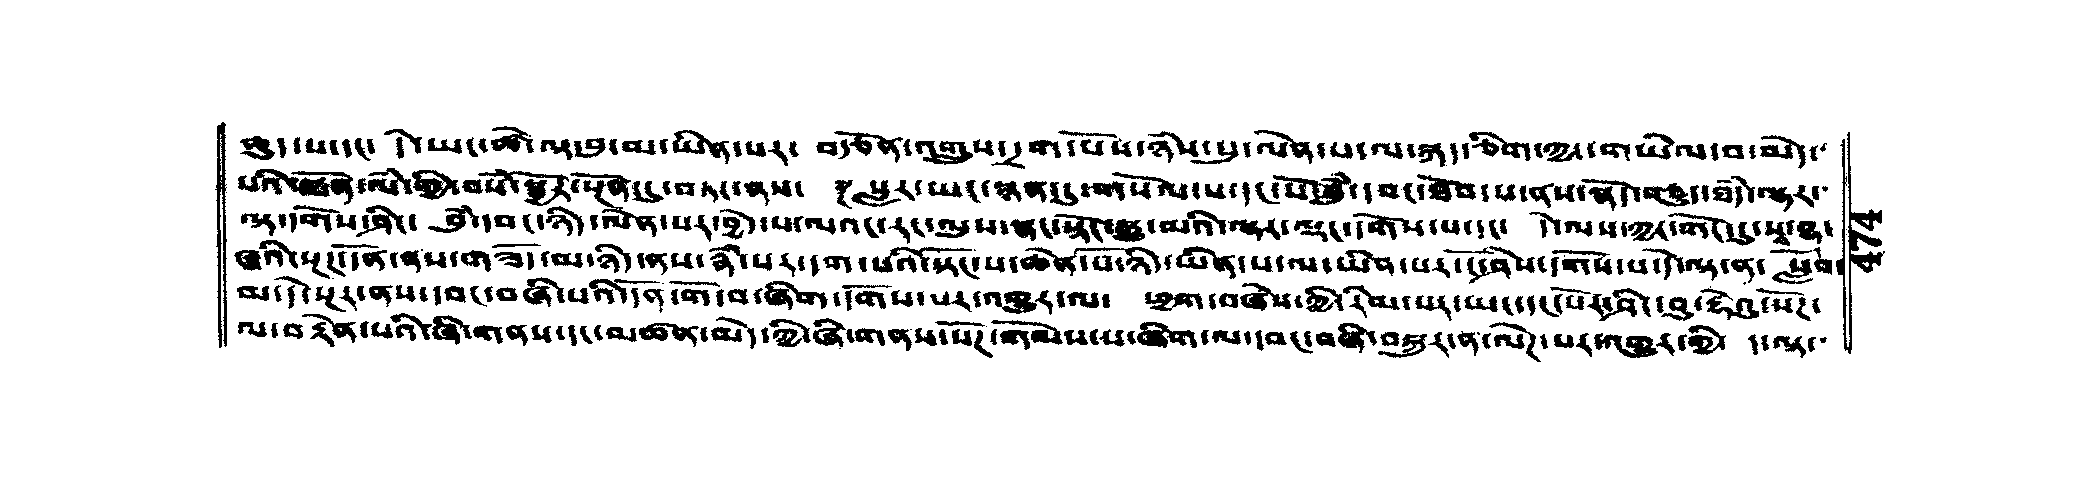ཆུད་པ་དང་། དེ་ཡང་ཚིག་ལྟ་བུ་མ་ཡིན་པར། བརྩོན་འགྲུས་དྲག་པོས་ཉམས་སུ་ལེན་པ་སྐད་ཅིག་ཀྱང་གཡེལ་བ་མེད་
པའི་སྨོན་ལམ་གྱི་བསམ་སྦྱོར་སྔོན་དུ་བཏང་ནས།སླར་ཡང་སྙན་དུ་གསོལ་པ་དང་པོ་བུམ་དབང་ཐོབ་པ་ནས་སྣོད་བཅུད་ཐམས་ཅད་ལྷར་
བལྟ་དགོས་ཤིང་། བུམ་དབང་ཉིད་ལེན་པར་བྱེད་པ་ལའང་རང་ལུས་སྣང་སྟོང་སྒྱུ་མའི་ལྷར་ལྡང་དགོས་པ་དང་། དེ་ལས་ཀྱང་གོང་དུ་སྭ་བྷ་
ཝའི་སྔགས་དོན་ནས་གཟོད་མ་ཉིད་ནས་རྣམ་པར་དག་པའི་སྟོང་པ་ཆེན་པོ་ཉིད་ཡིན་པ་ལ་ཡིན་པར་ངོ་ཤེས་དགོས་པ་དེ་ལྟ་ན། སློབ་
མ་དེ་སྔར་ནས་དབང་བཞི་པའི་དོན་གོ་བ་ཞིག་དགོས་པར་འགྱུར་ལ། ཕྱག་བཞེས་ཀྱི་རིམ་པ་ཡང་དང་པོར་ཤིང་བུ་རྡེའུ་སོགས་
ལ་བརྟེན་པའི་ཞི་གནས་དང་མཚན་མེད་ཀྱི་ཞི་གནས་སོགས་གོམས་པ་ཞིག་ལ་དབང་བཞི་བསྐུར་ན་ལེགས་པར་འགྱུར་གྱི། ད་ལྟ་